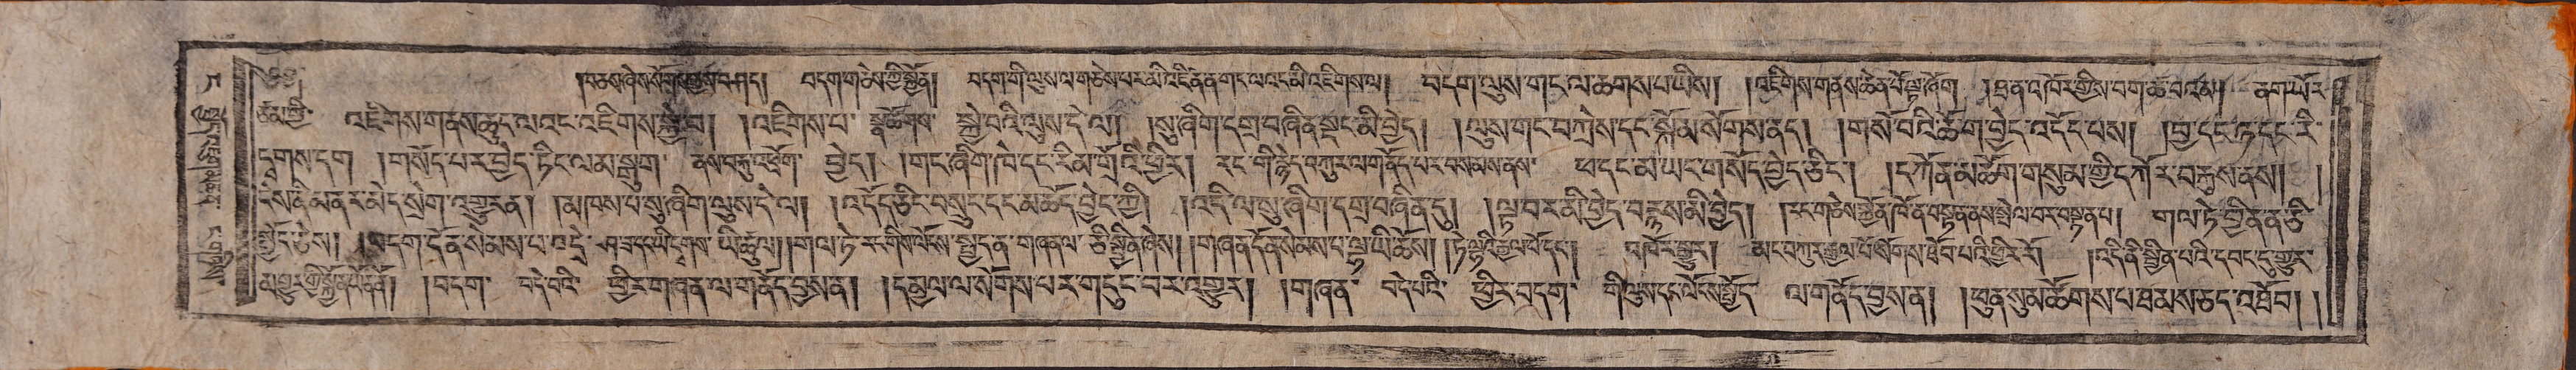༄༅། །བཅས་ཞེས་སོགས་རྒྱས་བཤད། བདག་གཅེས་ཀྱི་སྐྱོན། བདག་གི་ལུས་ལ་གཅེས་པར་མི་འཛིན་ན་གང་ལའང་མི་འཇིགས་ལ།  བདག་ལུས་གང་ལ་ཆགས་པ་ཡིས། །འཇིགས་གནས་ཆེན་པོ་ལྟ་ཞོག །ཐ་ན་འཁོར་གྱིས་བག་ཚ་བའམ། ནག་ཡོར་
ཙམ་གྱི་འཇིགས་གནས་ཆུང་ལའང་འཇིགས་སྐྱེ་བ། །འཇིགས་པ་སྣ་ཚོགས་སྐྱེ་བའི་ལུས་དེ་ལ། །སུ་ཞིག་དགྲ་བཞིན་སྡང་མི་བྱེད། །ལུས་གང་བཀྲེས་དང་སྐོམ་སོགས་ནད། །གསོ་བའི་ཆོ་ག་བྱེད་འདོད་པས། །བྱ་དང་ཉ་དང་རི་
དྭབས་དག །གསོད་པར་བྱེད་ཅིང་ལམ་སྒུག་ནས་བརྐུ་འཕྲོག་བྱེད། །གང་ཞིག་ཁེ་དང་རིམ་གྲོའི་ཕྱིར། །རང་གི་རྙེད་བཀུར་ལ་གནོད་པར་བསམས་ནས་ཕ་དང་མ་ཡང་གསོད་བྱེད་ཅིང་། །དཀོན་མཆོག་གསུམ་གྱི་དཀོན་བརྐུས་ནས། །
དེས་ནི་མནར་མེད་སྲེག་འགྱུར་ན། །མཁས་པ་སུ་ཞིག་ལུས་དེ་ལ། །འདོད་ཅིང་བསྲུང་དང་མཆོད་བྱེད་ཀྱི། །འདི་ལ་སུ་ཞིག་དགྲ་བཞིན་དུ། །ལྟ་བར་མི་བྱེད་བརྙས་མི་བྱེད། །རང་གཅེས་སྐྱོན་ཁོ་ན་བསྟན་ནས་སྤེལ་བར་བསྟན་པ།  གལ་ཏེ་བྱིན་ན་ཅི་
སྤྱོད་ཅེས། །བདག་དོན་སེམས་པ་འདྲེ་ཤ་ཟ་དང་ཡི་དྭགས་ཡི་ཚུལ། །གལ་ཏེ་རང་གིས་ལོངས་སྤྱད་ན་གཞན་ལ་ཅི་སྦྱིན་ཞེས། །གཞན་དོན་སེམས་པ་ལྷ་ཡི་ཆོས། །ཏེ་ལྷའི་རྒྱལ་པོ་དང་། འཁོར་སྒྱུར། མང་བཀུར་རྒྱལ་པོ་སོགས་ཐོབ་པའི་ཕྱིར་རོ། །འདི་ནི་སྦྱིན་པའི་དབང་དུ་གྱུར་
མགྱུར་གྱི་སྐྱོན་ཡོན་ནོ། །བདག་བདེ་བའི་ཕྱིར་གཞན་ལ་གནོད་བྱས་ན། །དམྱལ་ལ་སོགས་པར་གདུང་བར་འགྱུར། །གཞན་བདེ་བའི་ཕྱིར་བདག་ལ་གི་ལུས་དང་ལོངས་སྤྱོད་ལ་གནོད་བྱས་ན། །ཕུན་སུམ་ཚོགས་པ་ཐམས་ཅད་འཐོབ། །